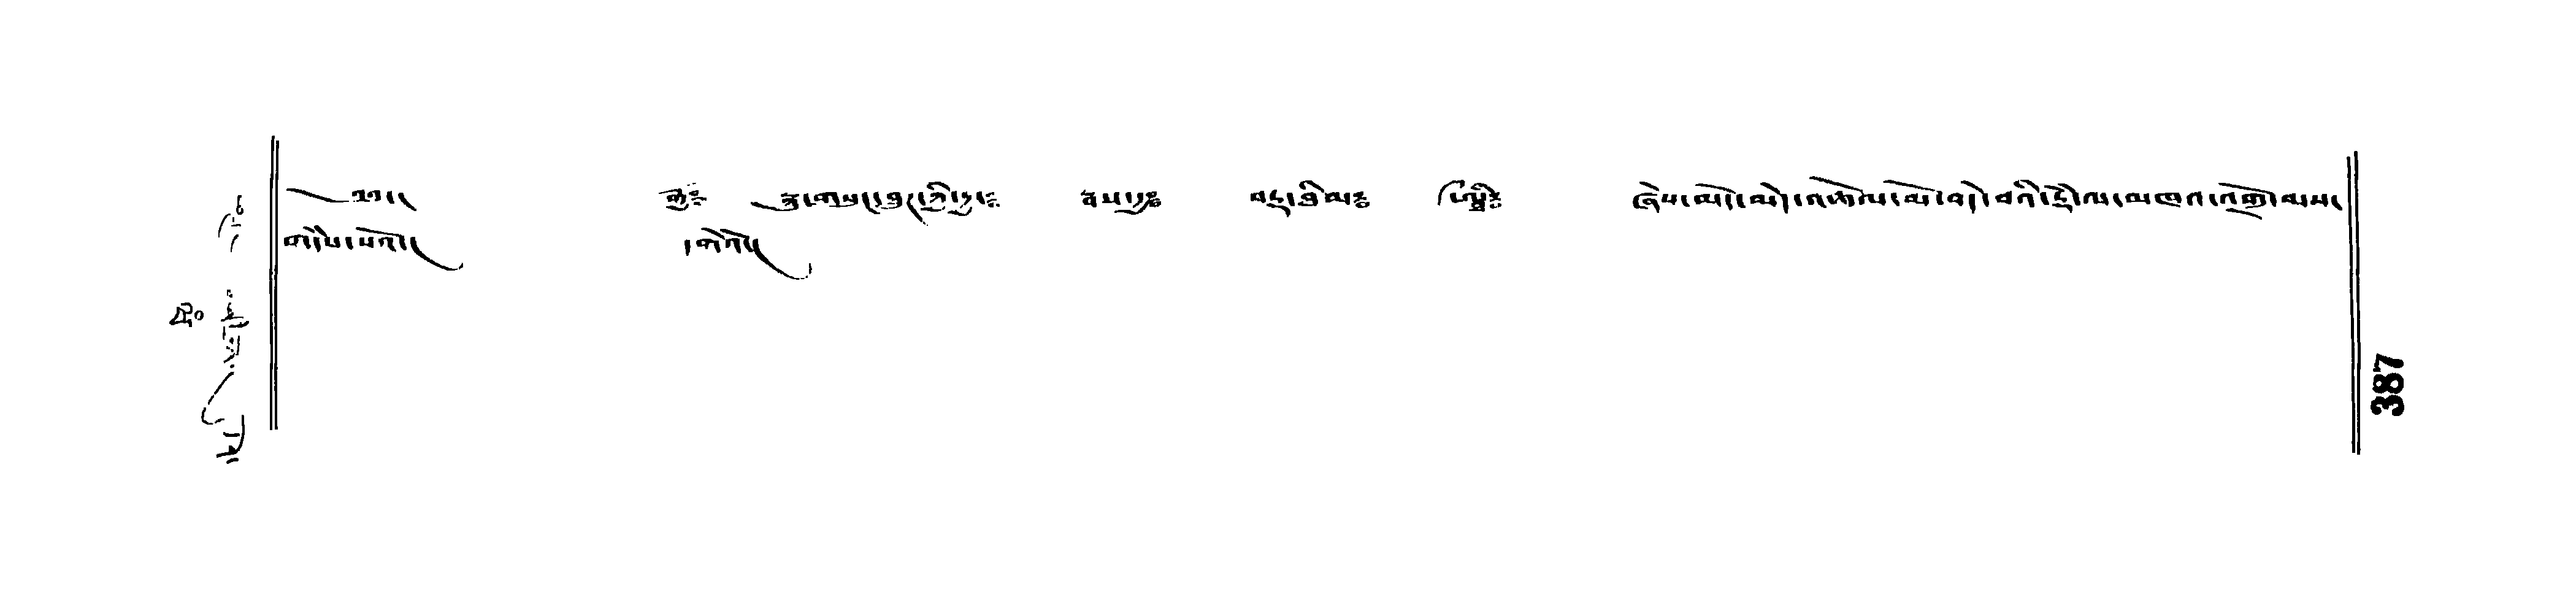རྒྱ༔ སྐུ་གསུང་ཐུགས་ཀྱི་རྒྱ༔ སྦས་རྒྱ༔ བརྡ་ཐིམ༔ ༔ ཞེས་མདོ་མེད་འཆོལ་མོ་བདེ་བའི་རྡོ་རྗེ་ལ་མཁའ་འགྲོ་མས་
གདམས་པའོ།། དགེའོ།